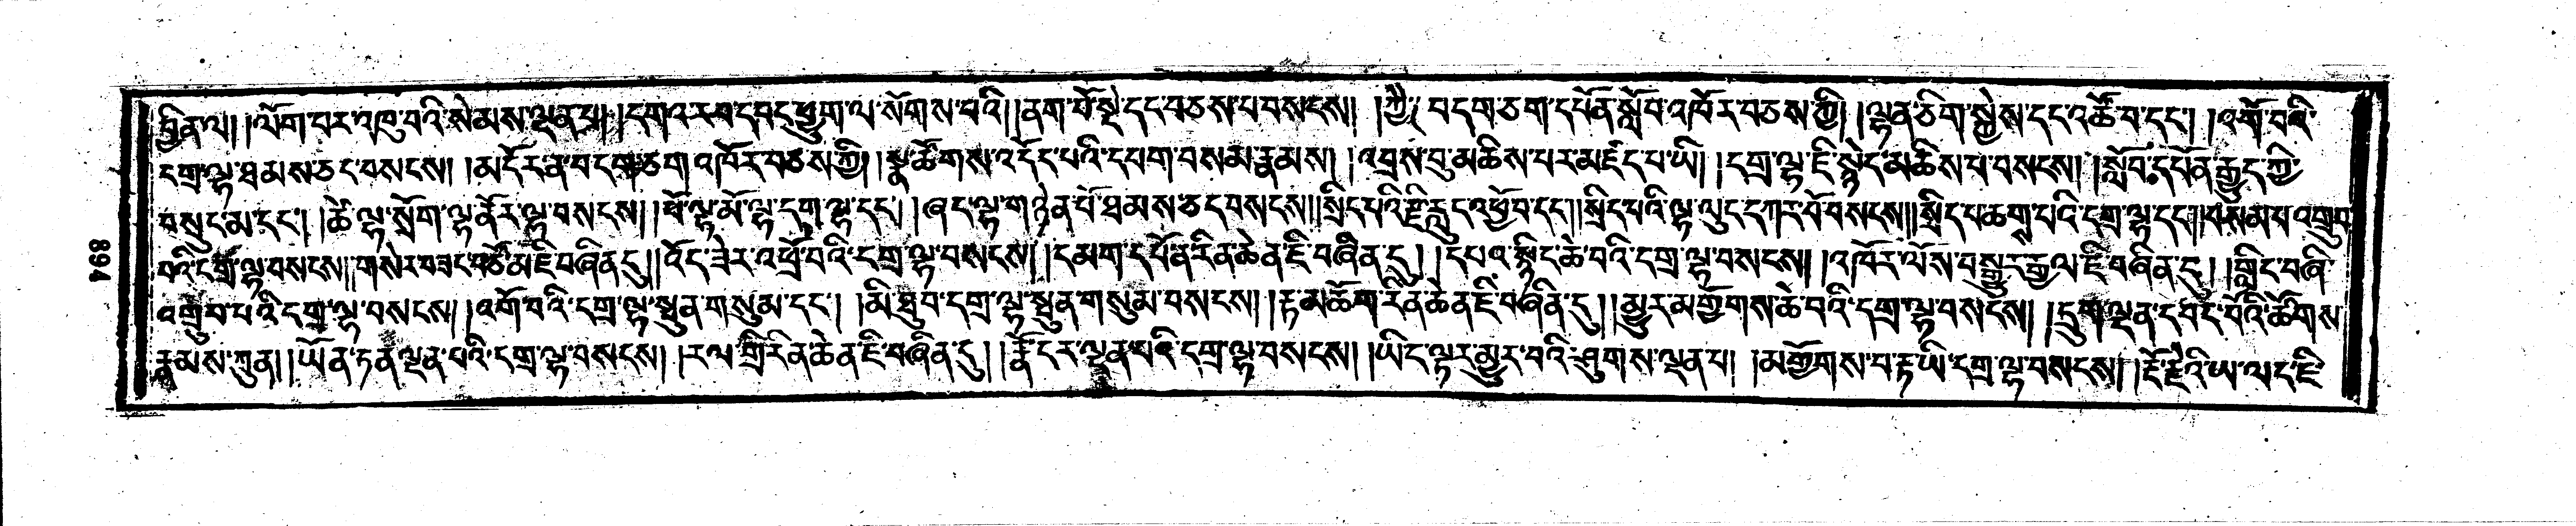བྱིན་ལ། །ལོག་པར་འཁུ་བའི་སེམས་ལྡན་པ། །དགའ་རབ་དབང་ཕྱུག་ལ་སོགས་པའི། །ནག་པོ་སྡེ་དང་བཅས་པ་བསངས། །ཀྱཻ༑ བདག་ཅག་དཔོན་སློབ་འཁོར་བཅས་ཀྱི། །ལྷན་ཅིག་སྐྱེས་དང་འཚོ་བ་དང་། །འགོ་བའི་
དགྲ་ལྷ་ཐམས་ཅད་བསངས། །མདོར་ན་བདག་ཅག་འཁོར་བཅས་ཀྱི། །སྣ་ཚོགས་འདོད་པའི་དཔག་བསམ་རྣམས། །འབྲས་བུ་མཆིས་པར་མཛད་པ་ཡི། །དགྲ་ལྷ་ཇི་སྙེད་མཆིས་པ་བསངས། །སློབ་དཔོན་རྒྱུད་ཀྱི་
བསྲུང་མ་དང་། །ཚེ་ལྷ་སྲོག་ལྷ་ནོར་ལྷ་བསངས། །ཕོ་ལྷ་མོ་ལྷ་དགྲ་ལྷ་དང་། །ཞང་ལྷ་གཉེན་པོ་ཐམས་ཅད་བསངས། །སྲིད་པའི་རྫི་རླུང་འཕྱོ་བ་དང་། །སྲིད་པའི་ལྷ་ལུང་དཀར་པོ་བསངས། །སྲིད་པ་ཆགས་པའི་དགྲ་ལྷ་དང་། །བསམ་པ་འགྲུབ་
བའི་དགྲ་ལྷ་བསངས། །གསེར་བཟང་གཙོ་མ་ཇི་བཞིན་དུ། །འོད་ཟེར་འཕྲོ་བའི་དགྲ་ལྷ་བསངས། །དམག་དཔོན་རིན་ཆེན་ཇི་བཞིན་དུ། །དཔའ་སྙིང་ཆེ་བའི་དགྲ་ལྷ་བསངས། །འཁོར་ལོས་བསྒྱུར་རྒྱལ་ཇི་བཞིན་དུ། །གླིང་བཞི་
འགྲུབ་པའི་དགྲ་ལྷ་བསངས། །འགྲོ་བའི་དགྲ་ལྷ་སྤུན་གསུམ་དང་། །མི་ཐུབ་དགྲ་ལྷ་སྤུན་གསུམ་བསངས། །རྟ་མཆོག་རིན་ཆེན་ཇི་བཞིན་དུ། །མྱུར་མགྱོགས་ཆེ་བའི་དགྲ་ལྷ་བསངས། །དྲུག་ལྡན་དབང་པོའི་ཚོགས་
རྣམས་ཀུན། །ཡོན་ཏན་ལྡན་པའི་དགྲ་ལྷ་བསངས། །རལ་གྲི་རིན་ཆེན་ཇི་བཞིན་དུ། །རྣོ་ངར་ལྡན་པའི་དགྲ་ལྷ་བསངས། །ཡིད་ལྟར་མྱུར་བའི་ཤུགས་ལྡན་པ། །མགྱོགས་པ་རྟ་ཡི་དགྲ་ལྷ་བསངས། །རྡོ་རྗེའི་ཡ་ལད་ཇི་